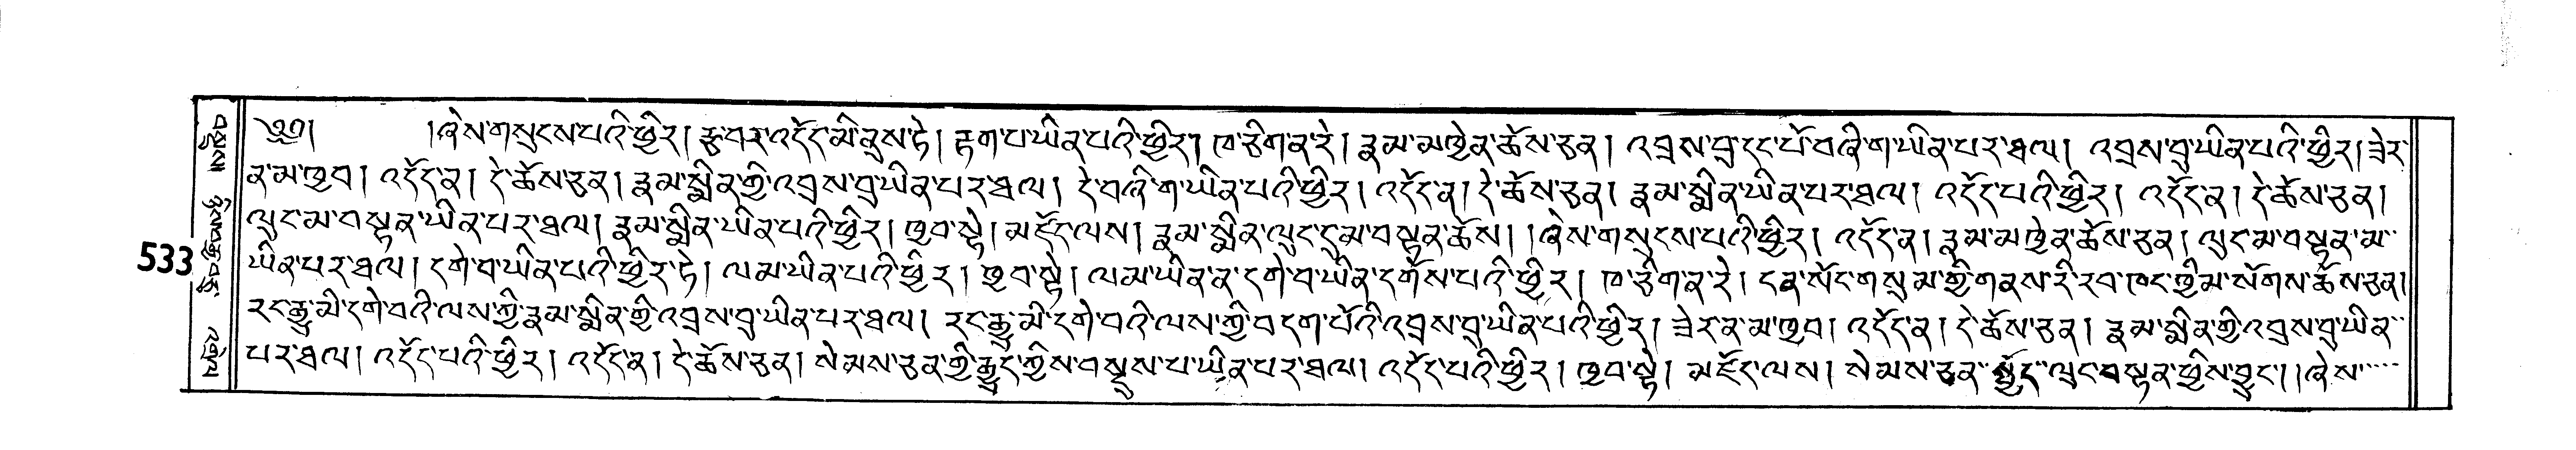༄༅། །ཞེས་གསུངས་པའི་ཕྱིར། རྩ་བར་འདོད་མི་ནུས་ཏེ། རྟག་པ་ཡིན་པའི་ཕྱིར། ཁ་ཅིག་ན་རེ། རྣམ་མཁྱེན་ཆོས་ཅན། འབྲས་བུ་དང་པོ་བཞི་ག་ཡིན་པར་ཐལ། འབྲས་བུ་ཡིན་པའི་ཕྱིར། ཟེར་
ན་མ་ཁྱབ། འདོད་ན། དེ་ཆོས་ཅན། རྣམ་སྨིན་གྱི་འབྲས་བུ་ཡིན་པར་ཐལ། དེ་བཞི་ག་ཡིན་པའི་ཕྱིར། འདོད་ན། དེ་ཆོས་ཅན། རྣམ་སྨིན་ཡིན་པར་ཐལ། འདོད་པའི་ཕྱིར། འདོད་ན། དེ་ཆོས་ཅན།
ལུང་མ་བསྟན་ཡིན་པར་ཐལ། རྣམ་སྨིན་ཡིན་པའི་ཕྱིར། ཁྱབ་སྟེ། མཛོད་ལས། རྣམ་སྨིན་ལུང་དུ་མ་བསྟན་ཆོས། །ཞེས་གསུངས་པའི་ཕྱིར། འདོད་ན། རྣམ་མཁྱེན་ཆོས་ཅན། ལུང་མ་བསྟན་མ་
ཡིན་པར་ཐལ། དགེ་བ་ཡིན་པའི་ཕྱིར་ཏེ། ལམ་ཡིན་པའི་ཕྱིར། ཁྱབ་སྟེ། ལམ་ཡིན་ན་དགེ་བ་ཡིན་དགོས་པའི་ཕྱིར། ཁ་ཅིག་ན་རེ། ངན་སོང་གསུམ་གྱི་གནས་རི་རབ་ཁང་ཁྱིམ་སོགས་ཆོས་ཅན།
རང་རྒྱུ་མི་དགེ་བའི་ལས་ཀྱི་རྣམ་སྨིན་གྱི་འབྲས་བུ་ཡིན་པར་ཐལ། རང་རྒྱུ་མི་དགེ་བའི་ལས་ཀྱི་བདག་པོའི་འབྲས་བུ་ཡིན་པའི་ཕྱིར། ཟེར་ན་མ་ཁྱབ། འདོད་ན། དེ་ཆོས་ཅན། རྣམ་སྨིན་གྱི་འབྲས་བུ་ཡིན་
པར་ཐལ། འདོད་པའི་ཕྱིར། འདོད་ན། དེ་ཆོས་ཅན། སེམས་ཅན་གྱི་རྒྱུད་ཀྱིས་བསྡུས་པ་ཡིན་པར་ཐལ། འདོད་པའི་ཕྱིར། ཁྱབ་སྟེ། མཛོད་ལས། སེམས་ཅན་སྤྱོད་ལུང་བསྟན་ཕྱིས་བྱུང་། །ཞེས་